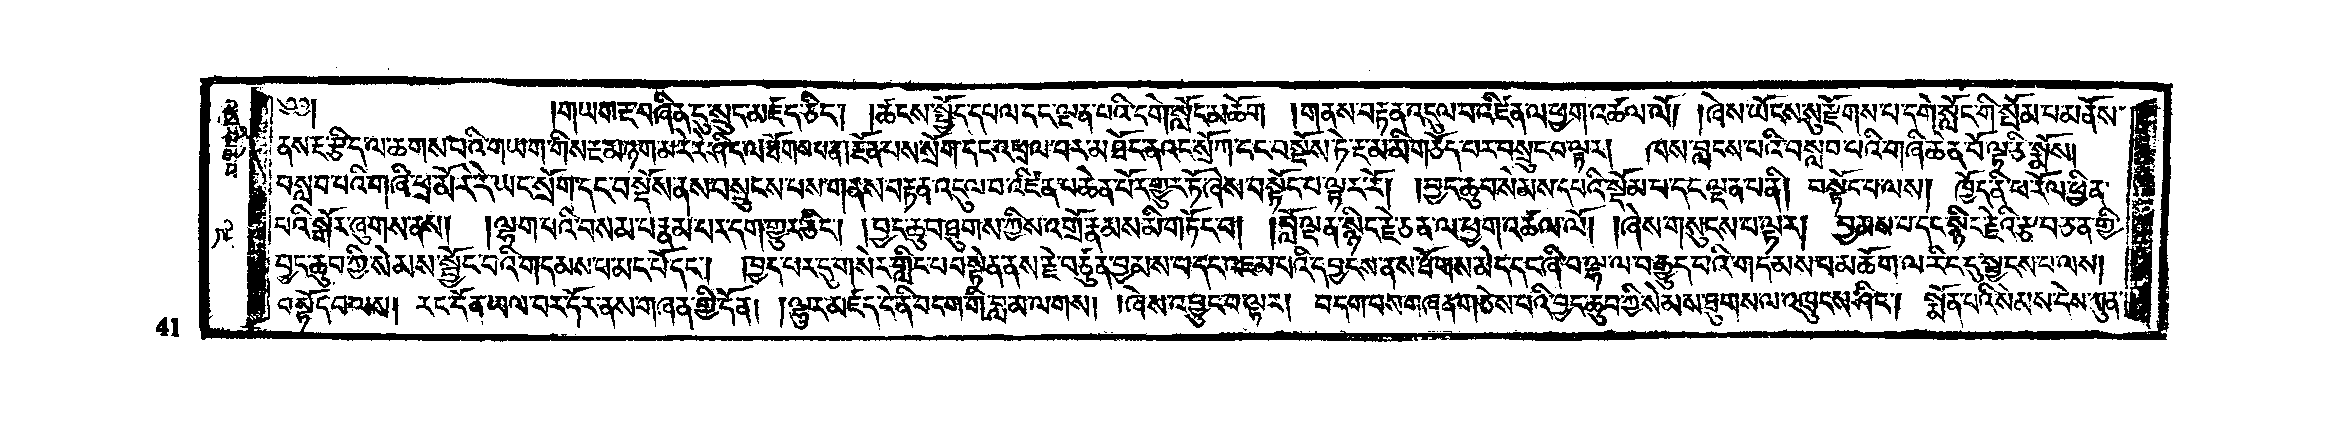༄༅། །གཡག་རྔ་བཞིན་དུ་སྲུང་མཛད་ཅིང་། །ཚངས་སྤྱོད་དཔལ་དང་ལྡན་པའི་དགེ་སློང་མཆོག །གནས་བརྟན་འདུལ་བ་འཛིན་ལ་ཕྱག་འཚལ་ལོ། །ཞེས་ཡོངས་སུ་རྫོགས་པ་དགེ་སློང་གི་སྡོམ་པ་མནོས་
ནས་རྔ་རྩིད་ལ་ཆགས་པའི་གཡག་གིས་རྔ་མ་ཉག་མ་རེ་རེ་ཤིང་ལ་ཐོགས་པ་ན། རྔོན་པས་སྲོག་དང་འཕྲལ་བར་མཐོང་ནའང་སྲོག་དང་བསྡོས་ཏེ་རྔ་མ་མི་གཅོད་པར་བསྲུང་བ་ལྟར། ཁས་བླངས་པའི་བསླབ་པའི་གཞི་ཆེན་པོ་ལྟ་ཅི་སྨོས།
བསླབ་པའི་གཞི་ཕྲ་མོ་རེ་རེ་ཡང་སྲོག་དང་བསྡོས་ནས་བསྲུངས་པས་གནས་བརྟན་འདུལ་བ་འཛིན་པ་ཆེན་པོར་གྱུར་ཏོ་ཞེས་བསྟོད་པ་ལྟར་རོ། །བྱང་ཆུབ་སེམས་དཔའི་སྡོམ་པ་དང་ལྡན་པ་ནི། བསྟོད་པ་ལས། ཁྱོད་ནི་ཕ་རོལ་ཕྱིན་
པའི་སྒོར་ཞུགས་ནས། །ལྷག་པའི་བསམ་པ་རྣམ་པར་དག་གྱུར་ཅིང་། །བྱང་ཆུབ་ཐུགས་ཀྱིས་འགྲོ་རྣམས་མི་གཏོང་བ། །བློ་ལྡན་སྙིང་རྗེ་ཅན་ལ་ཕྱག་འཚལ་ལོ། །ཞེས་གསུངས་པ་ལྟར། བྱམས་པ་དང་སྙིང་རྗེའི་རྩ་བ་ཅན་གྱི་
བྱང་ཆུབ་ཀྱི་སེམས་སྦྱོང་བའི་གདམས་པ་མང་པོ་དང་། ཁྱད་པར་དུ་གསེར་གླིང་པ་བསྟེན་ནས་རྗེ་བཙུན་བྱམས་པ་དང་འཇམ་པའི་དབྱངས་ནས་ཐོགས་མེད་དང་ཞི་བ་ལྷ་ལ་བརྒྱུད་པའི་གདམས་པ་མཆོག་ལ་རིང་དུ་སྦྱངས་པ་ལས།
བསྟོད་པ་ལས། རང་དོན་ཡལ་བར་དོར་ནས་གཞན་གྱི་དོན། །ལྷུར་མཛད་དེ་ནི་བདག་གི་བླ་མ་ལགས། །ཞེས་འབྱུང་བ་ལྟར། བདག་པས་གཞན་གཅེས་པའི་བྱང་ཆུབ་ཀྱི་སེམས་ཐུགས་ལ་འཁྲུངས་ཤིང་། སྨོན་པའི་སེམས་དེས་ཀུན་